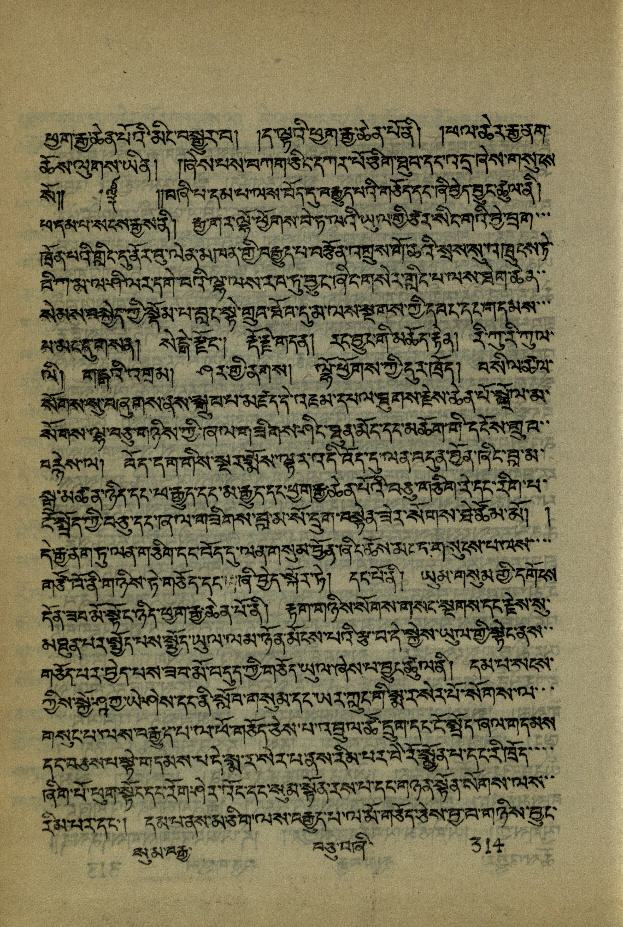ཕྱག་རྒྱ་ཆེན་པོའི་མིང་བསྒྱུར་བ། །ད་ལྟའི་ཕྱག་རྒྱ་ཆེན་པོ་ནི། །ཕལ་ཆེར་རྒྱ་ནག་
ཆོས་ལུགས་ཡིན། །ཞེས་པས་བཀག་ཅིང་དཀར་པོ་ཅིག་ཐུབ་དང་འདྲ་ཞེས་གསུངས་
སོ།། ༈ །།བཞི་པ་དམ་པ་ལས་བོད་དུ་བརྒྱུད་པའི་གཅོད་དང་ཞི་བྱེད་བྱུང་ཚུལ་ནི།
ཕ་དམ་པ་སངས་རྒྱས་ནི། རྒྱ་གར་ལྷོ་ཕྱོགས་བེ་ཏ་ལའི་ཡུལ་གྱི་ཙར་སིང་གའི་བྱེ་བྲག་
ཁྲོན་པའི་གླིང་དུ་ནོར་བུ་ལེན་མཁན་གྱི་བརྒྱུད་པ་བརྩོན་འགྲུས་གོ་ཆའི་སྲས་སུ་འཁྲུངས་ཏེ་
བིཀ་མ་ལ་ཤི་ལར་དགེ་བའི་ལྷ་ལས་རབ་ཏུ་བྱུང་ཞིང་གསེར་གླིང་པ་ལས་ཐེག་ཆེན་
སེམས་བསྐྱེད་ཀྱི་སྡོམ་པ་བླང་སྟེ་གྲུབ་ཐོབ་དུ་མ་ལས་སྔགས་ཀྱི་དབང་དང་གདམས་
པ་མང་དུ་གསན། སེངྒེ་རྫོང་། རྡོ་རྗེ་གདན། རང་བྱུང་གི་མཆོད་རྟེན། རི་ཀུ་རི་ཀུ་ལ་
ལི། གངྒའི་འགྲམ། ཤར་གྱི་ནགས། ལྷོ་ཕྱོགས་ཀྱི་དུར་ཁྲོད། བསིལ་ཚལ་
སོགས་སུ་བཞུགས་ནས་སྒྲུབ་པ་མཛད་དེ་འཇམ་དཔལ་ཐུགས་རྗེས་ཆེན་པོ་སྒྲོལ་མ་
སོགས་ལྷ་བཅུ་གཉིས་ཀྱི་ཞལ་གཟིགས་ཤིང་ཐུན་མོང་དང་མཆོག་གི་དངོས་གྲུབ་
བརྙེས་ལ། བོད་དག་གིས་སྔར་སྨོས་ལྟར་འདི་བོད་དུ་ལན་བདུན་བྱོན་ཞིང་བླ་མ་
སྒྲ་མཚན་ཉིད་དང་ཕ་རྒྱུད་དང་མ་རྒྱུད་དང་ཕྱག་རྒྱ་ཆེན་པོའི་བཅུ་གཅིག་རེ་དང་རིག་པ་
ངོ་སྤྲོད་ཀྱི་བཅུ་དང་ཞལ་གཟིགས་བླ་མ་སོ་དྲུག་བསྟེན་ཟེར་སོགས་ཐེ་ཚོམ་མོ། །
དེ་རྒྱ་ནག་ཏུ་ལན་གཅིག་དང་བོད་དུ་ལན་གསུམ་བྱོན་ཞིང་ཆོས་མངད་གསུངས་པ་ལས་
གཙོ་བོ་ནི་གཉིས་ཏེ་གཅོད་དང་གཞི་བྱེད་སྐོར་ཏེ། དང་པོ་ནི། ཡུམ་གསུམ་གྱི་དགོངས་
དོན་ཟབ་མོ་སྟོང་ཉིད་ཕྱག་རྒྱ་ཆེན་པོ་ནི། རྟག་གཉིས་སོགས་གསང་སྔགས་དང་རྗེས་སུ་
མཐུན་པར་སྤྱོད་པས་སྤྱོད་ཡུལ་ལམ་ཉོན་མོངས་པའི་རྩ་བ་དེ་སྐྱེས་ཡུལ་གྱི་སྟེང་ནས་
གཅོད་པར་བྱེད་པས་ཟབ་མོ་བདུད་ཀྱི་གཅོད་ཡུལ་ཞེས་པ་བྱུང་ཚུལ་ནི། དམ་པ་སངས་
ཀྱིས་སྐྱོ་ཤཱཀྱ་ཡེ་ཤེས་དང་ནི་སློབ་གསུམ་དང་ཡར་ཀླུང་གི་སྨ་ར་སེར་པོ་སོགས་ལ་
གསུང་པ་ལས་བརྒྱུད་པ་ལ་ཕོ་གཅོད་ཅེས་པ་འབྲུལ་ཚོ་དྲུག་དང་ངོ་སྤྲོད་ཞལ་གདམས་
དང་བཅས་པ་སྟེ་གདམས་པ་དེ་སྨ་ར་སེར་པ་ནས་རིམ་པར་བཻ་རོ་སྨྱོན་པ་དང་རི་ཁྲོད་
ཞིག་པོ་ཕུག་སྟོང་དང་རོག་ཤེར་འོང་དང་སུམ་སྟོན་རས་པ་དང་གཉན་སྟོན་སོགས་ལས་
རིམ་པར་དང་། དམ་པ་ནས་མ་ཅིག་ལས་བརྒྱུད་པ་ལ་མོ་གཅོད་ཅེས་བྱ་བ་གཉིས་བྱུང་